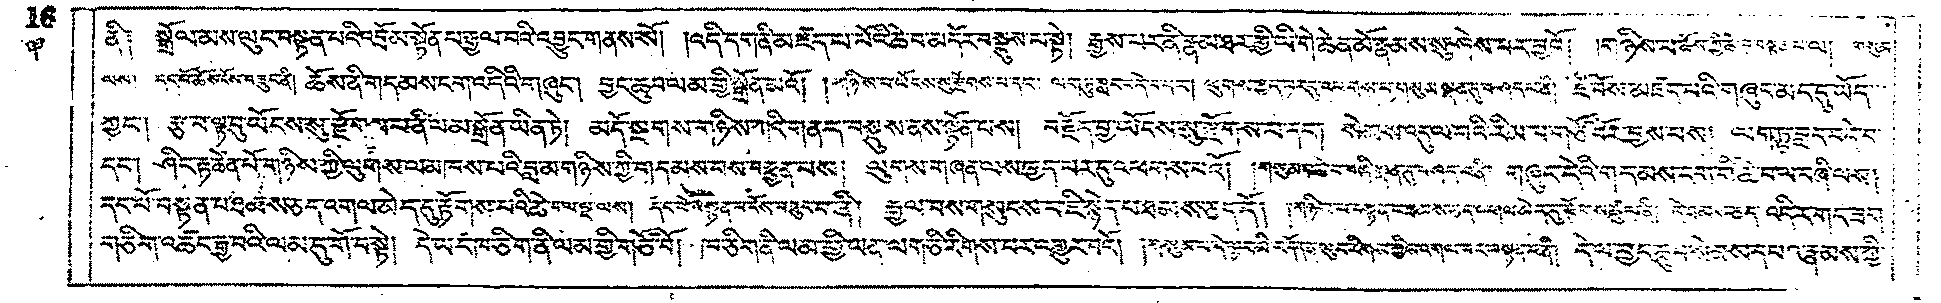ནི༑ སྒྲོལ་མས་ལུང་བསྟན་པའི་འབྲོམ་སྟོན་པ་རྒྱལ་བའི་འབྱུང་གནས་སོ། །འདི་དག་ནི་མཛད་པ་པོའི་ཆེ་བ་མདོར་བསྡུས་པ་སྟེ། རྒྱས་པར་ནི་རྣམ་ཐར་གྱི་ཡི་གེ་ཆེན་མོ་རྣམས་སུ་ཤེས་པར་བྱའོ། །གཉིས་པ་ཆོས་ཀྱི་ཆེ་བ་བསྟན་པ་ལ། གསུམ་
ལས། དང་པོ་ཆོས་ངོས་བཟུང་ནི། ཆོས་ནི་གདམས་ངག་འདིའི་གཞུང་། བྱང་ཆུབ་ལམ་གྱི་སྒྲོན་མའོ། ། གཉིས་པ་ཡོངས་སུ་རྫོགས་པ་དང་། ལག་ཏུ་བླང་བདེ་བ་དང་། ལུགས་ཁྱད་པར་དུ་འཕགས་པ་གསུམ་ལྡན་དུ་བཤད་པ་ནི། ཇོ་བོས་མཛད་པའི་གཞུང་མང་དུ་ཡོད་
ཀྱང་། རྩ་བ་ལྟ་བུ་ཡོངས་སུ་རྫོགས་པ་ནི་ལམ་སྒྲོན་ཡིན་ཏེ། མདོ་སྔགས་གཉིས་ཀའི་གནད་བསྡུས་ནས་སྟོན་པས། བརྗོད་བྱ་ཡོངས་སུ་རྫོགས་པ་དང་། སེམས་འདུལ་བའི་རིམ་པ་གཙོ་བོར་བྱས་པས། ལག་ཏུ་བླང་བདེ་བ་
དང་། ཤིང་རྟ་ཆེན་པོ་གཉིས་ཀྱི་ལུགས་ལ་མཁས་པའི་བླ་མ་གཉིས་ཀྱི་གདམས་པས་བརྒྱན་པས། ལུགས་གཞན་ལས་ཁྱད་པར་དུ་འཕགས་པའོ། ། གསུམ་པ་ཆེ་བ་བཞི་ལྡན་དུ་བཤད་པ་ནི། གཞུང་དེའི་གདམས་ངག་གི་ཆེ་བ་ལ་བཞི་ལས།
དང་པོ་བསྟན་པ་ཐམས་ཅད་འགལ་མེད་དུ་རྟོགས་པའི་ཆེ་བ་ལ་ལྔ་ལས། དང་པོ་བསྟན་པ་ངོས་བཟུང་བ་ནི། རྒྱལ་བས་གསུངས་པ་ཇི་སྙེད་པ་ཐམས་ཅད་དོ། ། གཉིས་པ་བསྟན་པ་ཐམས་ཅད་འགལ་མེད་དུ་རྟོགས་ཚུལ་ནི། དེ་ཐམས་ཅད་འདིར་གང་ཟག་
གཅིག་འཚང་རྒྱ་བའི་ལམ་དུ་གོ་བ་སྟེ། དེ་ཡང་ཁ་ཅིག་ནི་ལམ་གྱི་གཙོ་བོ། ཁ་ཅིག་ནི་ལམ་གྱི་ཡན་ལག་ཅི་རིགས་པར་འགྱུར་བའོ། ། གསུམ་པ་དེ་ལྟར་མི་འདོད་ན་ལུང་རིགས་ཀྱིས་འགལ་བར་བསྟན་པ་ནི། དེ་ལ་བྱང་ཆུབ་སེམས་དཔའ་རྣམས་ཀྱི་